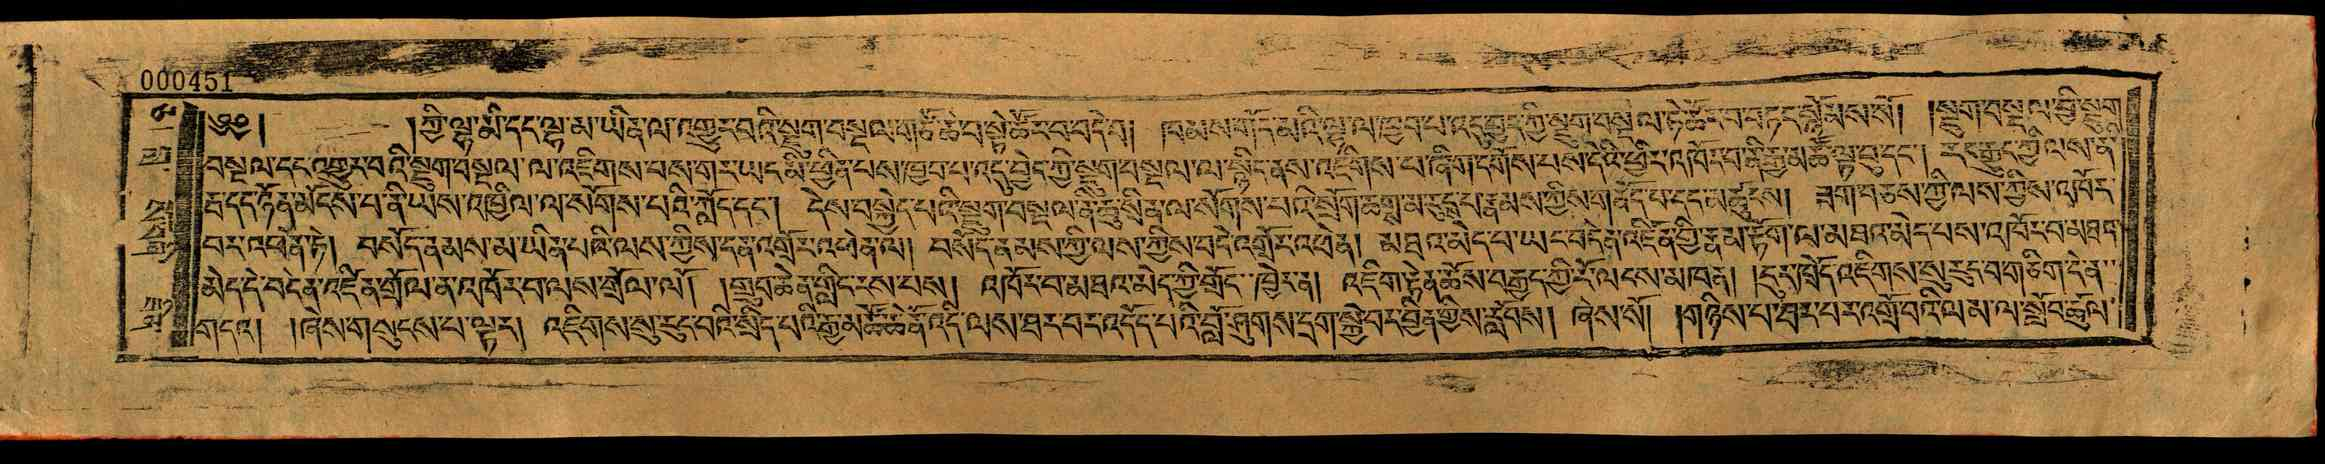༄༅། །ཀྱི་ལྷ་མི་དང་ལྷ་མ་ཡིན་ལ་འགྱུར་བའི་སྡུག་བསྔལ་གཙོ་ཆེ་བ་སྟེ་ཚོར་བ་བདེ་བ། ཁམས་གོང་མའི་ལྷ་ལ་ཁྱབ་པ་འདུ་བྱེད་ཀྱི་སྡུག་བསྔལ་ཏེ་ཚོར་བ་བཏང་སྙོམས་སོ། །སྡུག་བསྔལ་གྱི་སྡུགས
བསྔལ་དང་འགྱུར་བའི་སྡུག་བསྔལ་ལ་འཇིགས་པ་ས་གར་ཡང་མི་ཕྱིན་པས་ཁྱབ་པ་འདུ་བྱེད་ཀྱི་སྡུག་བསྔལ་ལ་སྙིང་ནས་འཇིགས་པ་ཞིག་དགོས་པས་དེའི་ཕྱིར་འཁོར་བ་ནི་རྒྱ་མཚོ་ལྟ་བུ་དང་། རང་རྒྱུད་ཀྱི་ལས་ནི་
རྦ་དང་ཉོན་མོངས་པ་ནི་ཡས་འཁྱིལ་ལ་སོགས་པའི་ཀློང་དང་། དེས་བསྐྱེད་པའི་སྡུག་བསྔལ་ནི་ཆུ་སྲིན་ལ་སོགས་པའི་སྲོག་ཆགས་མ་རུངས་པ་རྣམས་ཀྱིས་གནོད་པ་དང་མཚུངས། ཟག་བཅས་ཀྱི་ལས་ཀྱིས་འཁོར་
བར་འཕེན་ཏེ། བསོད་ནམས་མ་ཡིན་པའི་ལས་ཀྱིས་ངན་འགྲོར་འཕེན་ལ། བསོད་ནམས་ཀྱི་ལས་ཀྱིས་བདེ་འགྲོར་འཕེན། མཐའ་མེད་པ་ཡང་བདེན་འཛིན་གྱི་རྣམ་རྟོག་ལ་མཐའ་མེད་པས་འཁོར་བ་མཐའ་
མེད་དེ་བདེན་འཛིན་གྲོལ་ན་འཁོར་བ་ལས་གྲོལ་ལོ། །གྲུབ་ཆེན་གླིང་རས་པས། འཁོར་བ་མཐའ་མེད་ཀྱི་གྲོང་ཁྱེར་ན། འཇིག་རྟེན་ཆོས་བརྒྱད་ཀྱི་རོ་ལངས་མཁན། །དུར་ཁྲོད་འཇིགས་སུ་རུང་བ་གཅིག་དེ་ན་
གདའ། །ཞེས་གསུངས་པ་ལྟར། འཇིགས་སུ་རུང་བའི་སྲིད་པའི་རྒྱ་མཚོ་ཆེན་ནོ་འདི་ལས་ཐར་བར་འདོད་པའི་བློ་ཤུགས་དྲག་སྐྱེ་བར་བྱིན་གྱིས་རློབས། ཞེས་སོ། །གཉིས་པ་ཐར་པར་འགྲོ་བའི་ལམ་ལ་སློབ་ཚུལ་